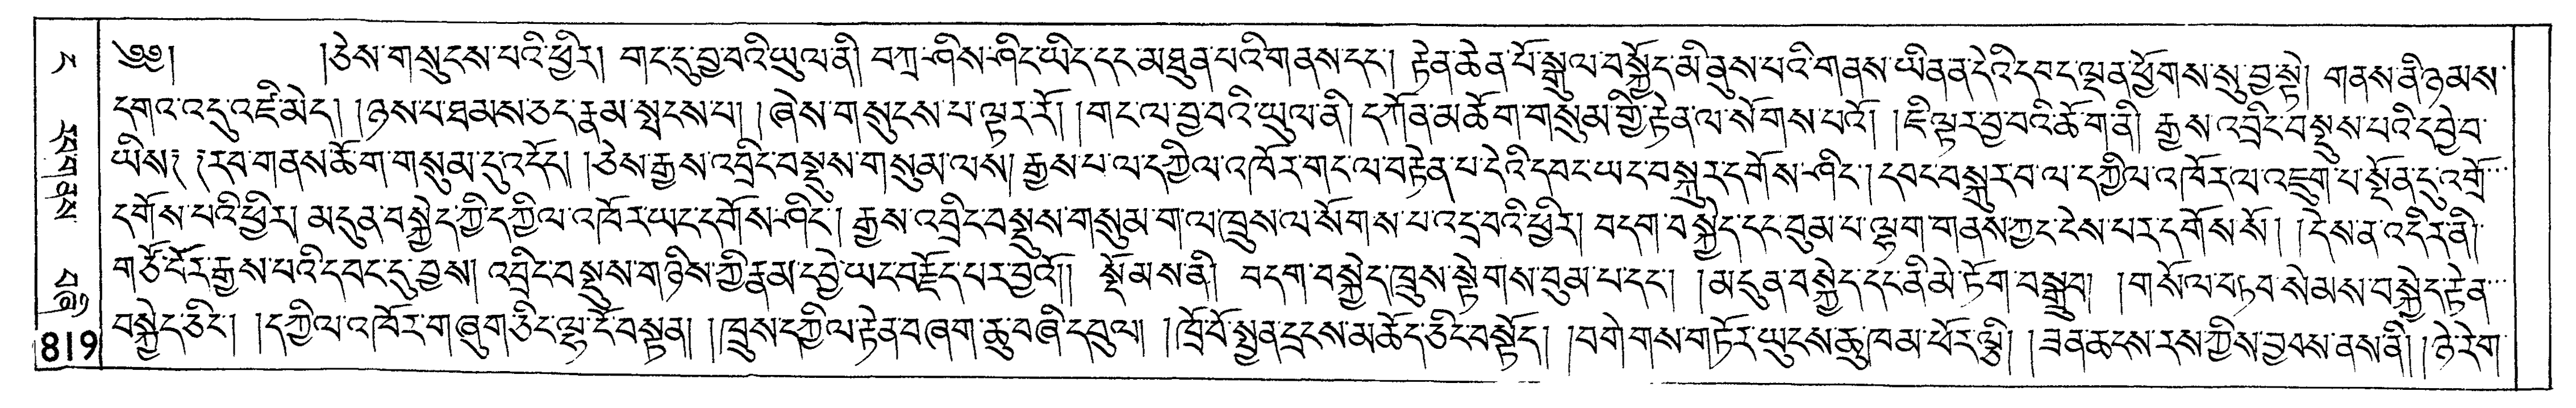༄༅། །ཅེས་གསུངས་པའི་ཕྱིར། གང་དུ་བྱ་བའི་ཡུལ་ནི། བཀྲ་ཤིས་ཤིང་ཡིད་དང་མཐུན་པའི་གནས་དང་། རྟེན་ཆེན་པོ་སྒུལ་བསྐྱོད་མི་ནུས་པའི་གནས་ཡིན་ན་དེའི་དབང་ལྡན་ཕྱོགས་སུ་བྱ་སྟེ། གནས་ནི་ཉམས་
དགའ་འདུ་འཛི་མེད། །ཉས་པ་ཐམས་ཅད་རྣམ་སྤངས་པ། །ཞེས་གསུངས་པ་ལྟར་རོ། །གང་ལ་བྱ་བའི་ཡུལ་ནི། དཀོན་མཆོག་གསུམ་རྟེན་ལ་སོགས་པའོ། །ཇི་ལྟར་བྱ་བའི་ཆོ་ག་ནི། རྒྱས་འབྲིང་བསྡུས་པའི་དབྱེ་བ་
ཡིས། །རབ་གནས་ཆོ་ག་གསུམ་དུ་འདོད། །ཅེས་རྒྱས་འབྲིང་བསྡུས་གསུམ་ལས། རྒྱས་པ་ལ་དཀྱིལ་འཁོར་གང་ལ་བརྟེན་པ་དེའི་དབང་ཡང་བསྐུར་དགོས་ཤིང་། །དབང་བསྐུར་བ་ལ་དཀྱིལ་འཁོར་ལ་འཇུག་པ་སྔོན་དུ་འགྲོ་
དགོས་པའི་ཕྱིར། མདུན་བསྐྱེད་ཀྱི་དཀྱིལ་འཁོར་ཡང་དགོས་ཤིང་། རྒྱས་འབྲིང་བསྡུས་གསུམ་ག་ལ་ཁྲུས་ལ་སོགས་པ་འདྲ་བའི་ཕྱིར། བདག་བསྐྱེད་དང་བུམ་པ་ལྷག་གནས་ཀྱང་ངེས་པར་དགོས་སོ། །དེས་ན་འདིར་ནི།
གཙོ་བོར་རྒྱས་པའི་དབང་དུ་བྱས། འབྲིང་བསྡུས་གཉིས་ཀྱི་རྣམ་དབྱེ་ཡང་བརྗོད་པར་བྱའོ།། སྡོམས་ནི། བདག་བསྐྱེད་ཁྲུས་སྟེགས་བུམ་པ་དང་། །མདུན་བསྐྱེད་དང་ནི་མེ་ཏོག་བསྒྲུབ། །གསོལ་བཏབ་སེམས་བསྐྱེད་རྟེན་
བསྐྱེད་ཅིང་། །དཀྱིལ་འཁོར་གཞུག་ཅིང་ལྷ་ངོ་བསྟན། །ཁྲུས་དཀྱིལ་རྟེན་བཞག་ཆུ་བཞི་དབུལ། །ཁྲོ་བོ་སྤྱན་དྲངས་མཆོད་ཅིང་བསྟོད། །བགེགས་གཏོར་ཡུངས་ཆུ་ཁམ་ཕོར་ལྕི། །ཟན་ཆངས་རས་ཀྱིས་བྱབས་ནས་ནི། །ཉེ་རེག་